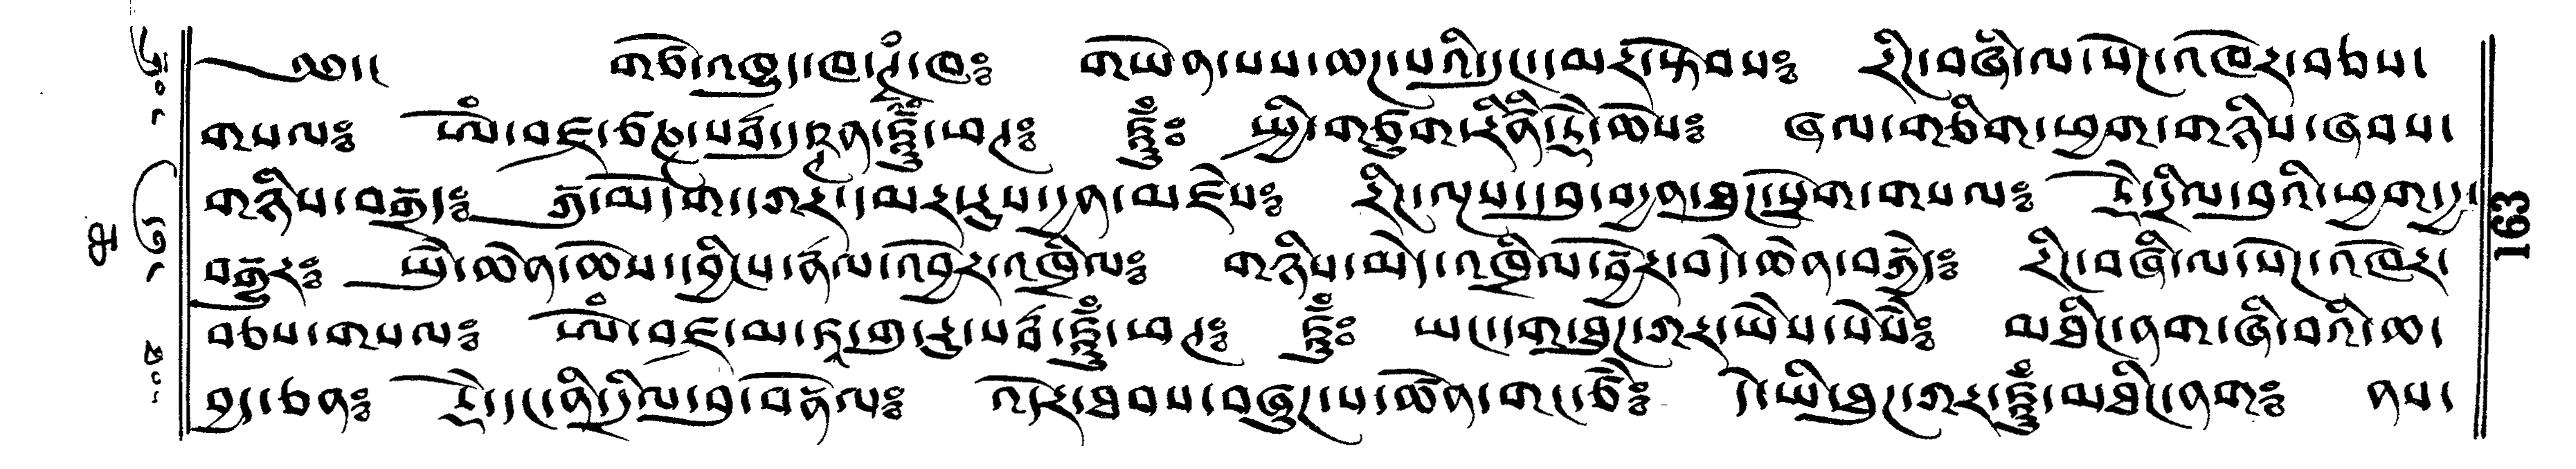གཙོ་འཁྱུད་ཁ་ཊྭཱཾ་ག༔ གཡོན་པས་ཆགས་པའི་དུང་དམར་སྟོབ༔ རིགས་བཞི་ལ་སོགས་འཁོར་བཅས་
གསལ༔ ཨོཾ་བཛྲ་ཙཎྜ་སརྦ་དུཥྚན་ཧཱུྃ་ཕཊ༔ ཧཱུྃ༔ སྤྱི་གཙུག་རིག་འཛིན་རྡོ་རྗེ་ཆོས༔ ཞལ་གཅིག་ཕྱག་གཉིས་ཞབས་
གཉིས་བསྒྲད༔ སྐུ་མདོག་དཀར་དམར་རུས་རྒྱན་མཛེས༔ རིགས་ལྔས་དབུ་བརྒྱན་ཐུགས་སྲོག་གསལ༔ རྡོ་རྗེ་དྲིལ་བུའི་ཕྱག་རྒྱ་
བསྒྱུར༔ ཡུམ་ཆེན་ཆོས་དབྱིངས་རྣལ་འབྱོར་འཁྲིལ༔ གཉིས་མེད་འཁྲིལ་སྦྱོར་བདེ་ཆེན་བསྐྱེད༔ རིགས་བཞི་ལ་སོགས་འཁོར་
བཅས་གསལ༔ ཨོཾ་བཛྲ་མ་ཧཱ་གུ་རུ་སརྦ་ཧཱུྃ་ཕཊ༔ ཧཱུྃ༔ ཡང་དག་ཐུགས་ཀར་ཡེ་ཤེས་སེམས༔ མཐིང་ནག་ཞི་བའི་ཆ་
བྱད་ཅན༔རྡོ་རྗེ་དང་ནི་དྲིལ་བུ་བསྣོལ༔ དོར་སྟབས་བཞུགས་པ་ཚོན་གང་ཙམ༔ དེ་ཡི་ཐུགས་ཀར་ཧཱུྃ་མཐིང་ནག༔ ནས་